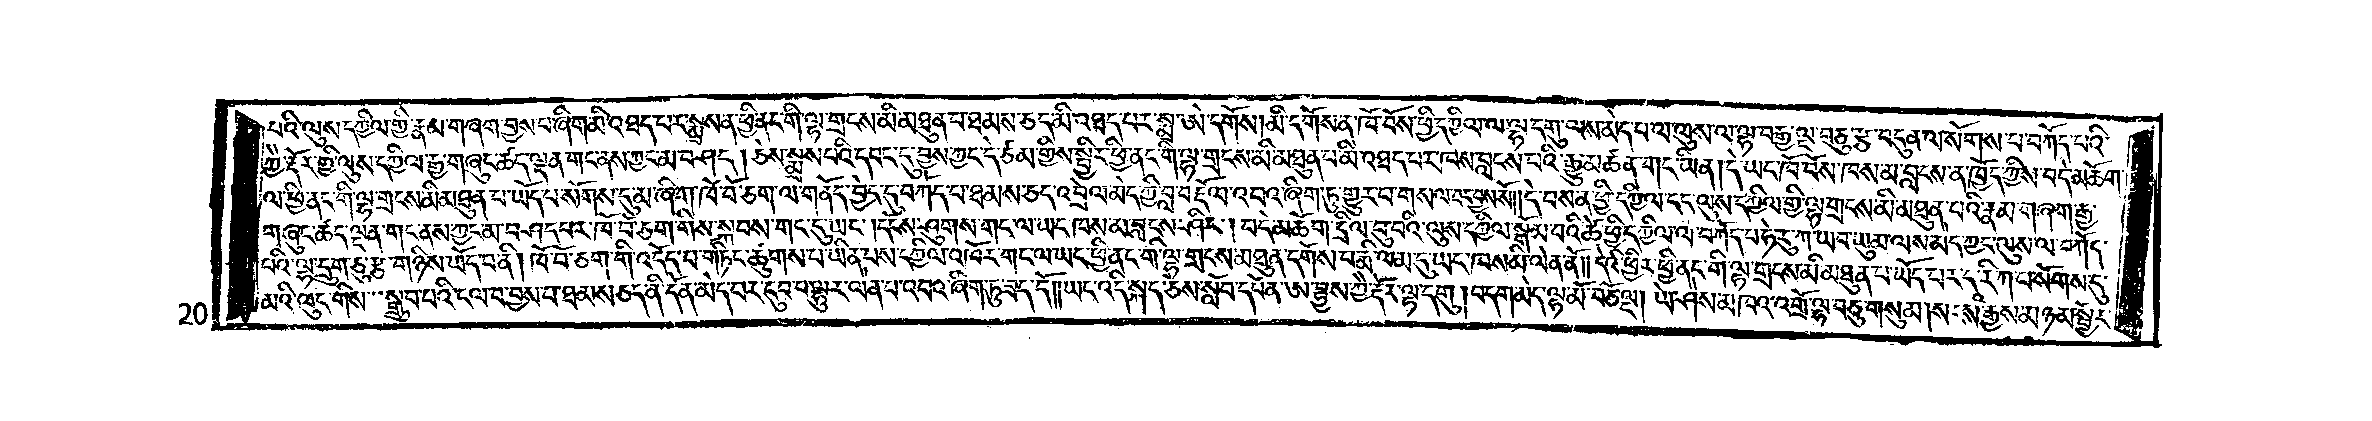པའི་ལུས་དཀྱིལ་གྱི་རྣམ་གཞག་བྱས་པ་ཞིག་མི་འཐད་པར་སྨྲས་ན་ཕྱི་ནང་གི་ལྷ་གྲངས་མི་མཐུན་པ་ཐམས་ཅད་མི་འཐད་པར་སྨྲ་ཨེ་དགོས། མི་དགོས་ན་ཁོ་བོས་ཕྱི་དཀྱིལ་ལ་ལྷ་དགུ་ལས་མེད་པ་ལ་ལུས་ལ་ལྷ་བརྒྱ་ལྔ་བཅུ་རྩ་བདུན་ལ་སོགས་པ་བཀོད་པའི་
ཀྱཻ་རྡོར་གྱི་ལུས་དཀྱིལ་རྒྱ་གཞུང་ཚད་ལྡན་གང་ནས་ཀྱང་མ་བཤད། ཅེས་སྨྲས་པའི་དབང་དུ་བྱས་ཀྱང་དེ་ཙམ་གྱིས་སྤྱིར་ཕྱི་ནང་གི་ལྷ་གྲངས་མི་མཐུན་པ་མི་འཐད་པར་ཁས་བླངས་པའི་རྒྱུ་མཚན་གང་ཡིན། དེ་ཡང་ཁོ་བོས་ཁས་མ་བླངས་ན་ཁྱོད་ཀྱིས་བདེ་མཆོག་
ལ་ཕྱི་ནང་གི་ལྷ་གྲངས་མི་མཐུན་པ་ཡོད་པ་སོགས་དུ་མ་ཞིག་ཁོ་བོ་ཅག་ལ་གནོད་བྱེད་དུ་བཀོད་པ་ཐམས་ཅད་འབྲེལ་མེད་ཀྱི་བླ་བརྡོལ་འབའ་ཞིག་ཏུ་གྱུར་བ་གསལ་བར་བྱས་སོ། །དེ་བས་ན་ཕྱི་དཀྱིལ་དང་ལུས་དཀྱིལ་གྱི་ལྷ་གྲངས་མི་མཐུན་པའི་རྣམ་གཞག་རྒྱ་
གཞུང་ཚད་ལྡན་གང་ནས་ཀྱང་མ་བཤད་པར་ཁོ་བོ་ཅག་གིས་སྐབས་གང་དུ་ཡང་། དངོས་ཤུགས་གང་ལ་ཡང་ཁས་མ་བླངས་ཤིང་། བདེ་མཆོག་དྲིལ་བུ་བའི་ལུས་དཀྱིལ་སྒོམ་པའི་ཚེ་ཕྱི་དཀྱིལ་ལ་བཀོད་པ་ཧེ་རུ་ཀ་ཡབ་ཡུམ་ལས་མེད་ཀྱང་ལུས་ལ་བཀོད་
པའི་ལྷ་དྲུག་ཅུ་རྩ་གཉིས་ཡོད་པ་ནི། ཁོ་བོ་ཅག་གི་འདོད་པ་གཏིང་ཚུགས་པ་ཡིན་པས་དཀྱིལ་འཁོར་གང་ལ་ཡང་ཕྱི་ནང་གི་ལྷ་གྲངས་མཐུན་དགོས་པ་རྨི་ལམ་དུ་ཡང་ཁས་མི་ལེན་ནོ། །དེའི་ཕྱིར་ཕྱི་ནང་གི་ལྷ་གྲངས་མི་མཐུན་པ་ཡོད་པར་དཱ་རི་ཀ་པ་སོགས་དུ་
མའི་ལུང་གིས་སྒྲུབ་པའི་ངལ་བ་བྱས་པ་ཐམས་ཅད་ནི་དོན་མེད་པར་དུབ་བ་ལྷུར་ལེན་པ་འབའ་ཞིག་ཏུ་ཟད་དོ། །ཡང་འདི་སྐད་ཅེས་སློབ་དཔོན་ཨ་བྷྱས་ཀྱཻ་རྡོར་ལྷ་དགུ། བདག་མེད་ལྷ་མོ་བཅོ་ལྔ། ཡེ་ཤེས་མཁའ་འགྲོ་ལྷ་བཅུ་གསུམ། སངས་རྒྱས་མཉམ་སྦྱོར་